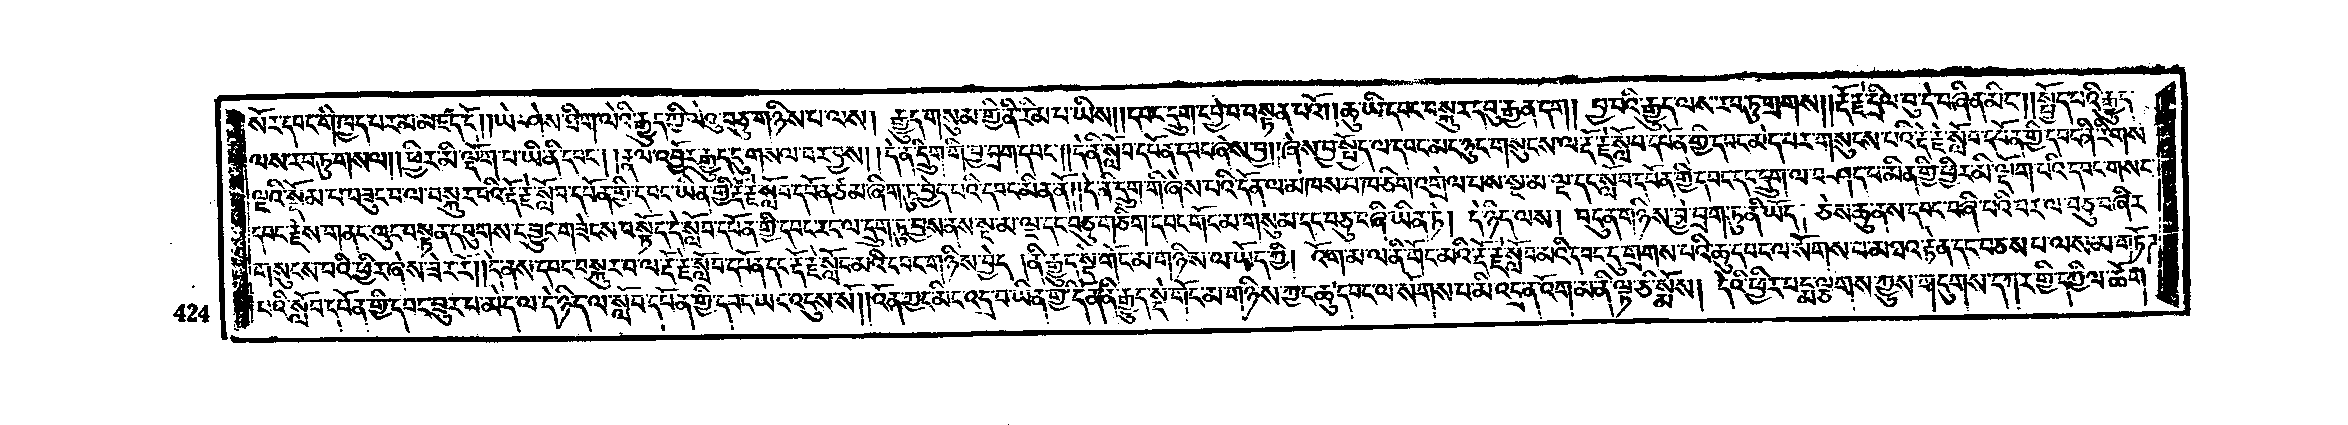སོར་དབང་གི་ཁྱད་པར་མ་མཛད་དོ། །ཡེ་ཤེས་ཐིག་ལེའི་རྒྱུད་ཀྱི་ལེའུ་བཅུ་གཉིས་པ་ལས། རྒྱུད་གསུམ་གྱི་ནི་རིམ་པ་ཡིས། །དབང་དྲུག་དབྱེ་བ་བསྟན་པའོ། །ཆུ་ཡི་དབང་བསྐུར་དབུ་རྒྱན་དག། བྱ་བའི་རྒྱུད་ལས་རབ་ཏུ་གྲགས། །རྡོ་རྗེ་དྲིལ་བུ་དེ་བཞིན་མིང་། །སྤྱོད་པའི་རྒྱུད་
ལས་རབ་ཏུ་གསལ། །ཕྱིར་མི་ལྡོག་པ་ཡི་ནི་དབང་། །རྣལ་འབྱོར་རྒྱུད་དུ་གསལ་བར་བྱས། །དེ་ནི་དྲུག་གི་བྱ་བྲག་དབང་། །དེ་ནི་སློབ་དཔོན་དབང་ཞེས་བྱ། །ཞེས་བྱ་སྤྱོད་ལ་དབང་མང་ཉུང་གསུངས་ལ་རྡོ་རྗེ་སློབ་དཔོན་གྱི་དབང་མེད་པར་གསུངས་པའི་རྡོ་རྗེ་སློབ་དཔོན་གྱི་དབང་ནི་རིགས་
ལྔའི་སྡོམ་པ་བཟུང་བ་ལ་བསྐུར་བའི་རྡོ་རྗེ་སློབ་དཔོན་གྱི་དབང་ཡིན་གྱི་རྡོ་རྗེ་སློབ་དཔོན་ཙམ་ཞིག་ཏུ་བྱེད་པའི་དབང་མིན་ནོ། །དེ་ནི་དྲུག་གི་ཞེས་པའི་དོན་ལ་མཁས་པ་ཁ་ཅིག་འགྲེལ་པས་སྔ་མ་ལྔ་དང་སློབ་དཔོན་གྱི་དབང་དང་དྲུག་ལ་བཤད་པ་མིན་གྱི་ཕྱིར་མི་ལྡོག་པའི་དབང་གསང་
དབང་རྗེས་གནང་ལུང་བསྟན་དབུགས་དབྱུང་གཟེངས་བསྟོད་དེ་སློབ་དཔོན་གྱི་དབང་རང་ལ་དྲུག་ཏུ་བྱས་ནས་སྔ་མ་ལྔ་དང་བཅུ་གཅིག་དབང་གོང་མ་གསུམ་དང་བཅུ་ཞི་ཡིན་ཏེ། དེ་ཉིད་ལས། བདུན་གཉིས་བྱེ་བྲག་ཏུ་ནི་ཡོད། ཅེས་ཆུ་ནས་བང་བཞི་པའི་བར་ལ་བཅུ་བཞིར་
གསུངས་པའི་ཕྱིར་ཞེས་ཟེར་རོ། །དེ་ནས་དབང་བསྐུར་བ་ལ་རྡོ་རྗེ་སློབ་དཔོན་དང་རྡོ་རྗེ་སློང་མའི་དབང་གཉིས་བྱེད་།ནི་རྒྱུད་སྡེ་གོང་མ་གཉིས་ལ་ཡོད་ཀྱི། འོག་མ་ལ་ནི་གོང་མའི་རྡོ་རྗེ་སློབ་མའི་དབང་དུ་གྲགས་པའི་ཆུ་དབང་ལ་སོགས་པ་མཐའ་རྟེན་དང་བཅས་པ་ལས་མ་གཏོགས་
པའི་སློབ་དཔོན་གྱི་དབང་ཟུར་པ་མེད་ལ་དེ་ཉིད་ལ་སློབ་དཔོན་གྱི་དབང་ཡང་འདུས་སོ། །འོན་ཀྱང་མིང་འདྲ་བ་ཡིན་གྱི་དོན་ནི་རྒྱུད་སྡེ་གོང་མ་གཉིས་ཀྱང་ཆུ་དབང་ལ་སོགས་པ་མི་འདྲ་ན་འོག་མ་ནི་ལྟ་ཅི་སྨོས། དེའི་ཕྱིར་པདམ་ལྕགས་ཀྱུས་གདུགས་དཀར་གྱི་དཀྱིལ་ཆོག་